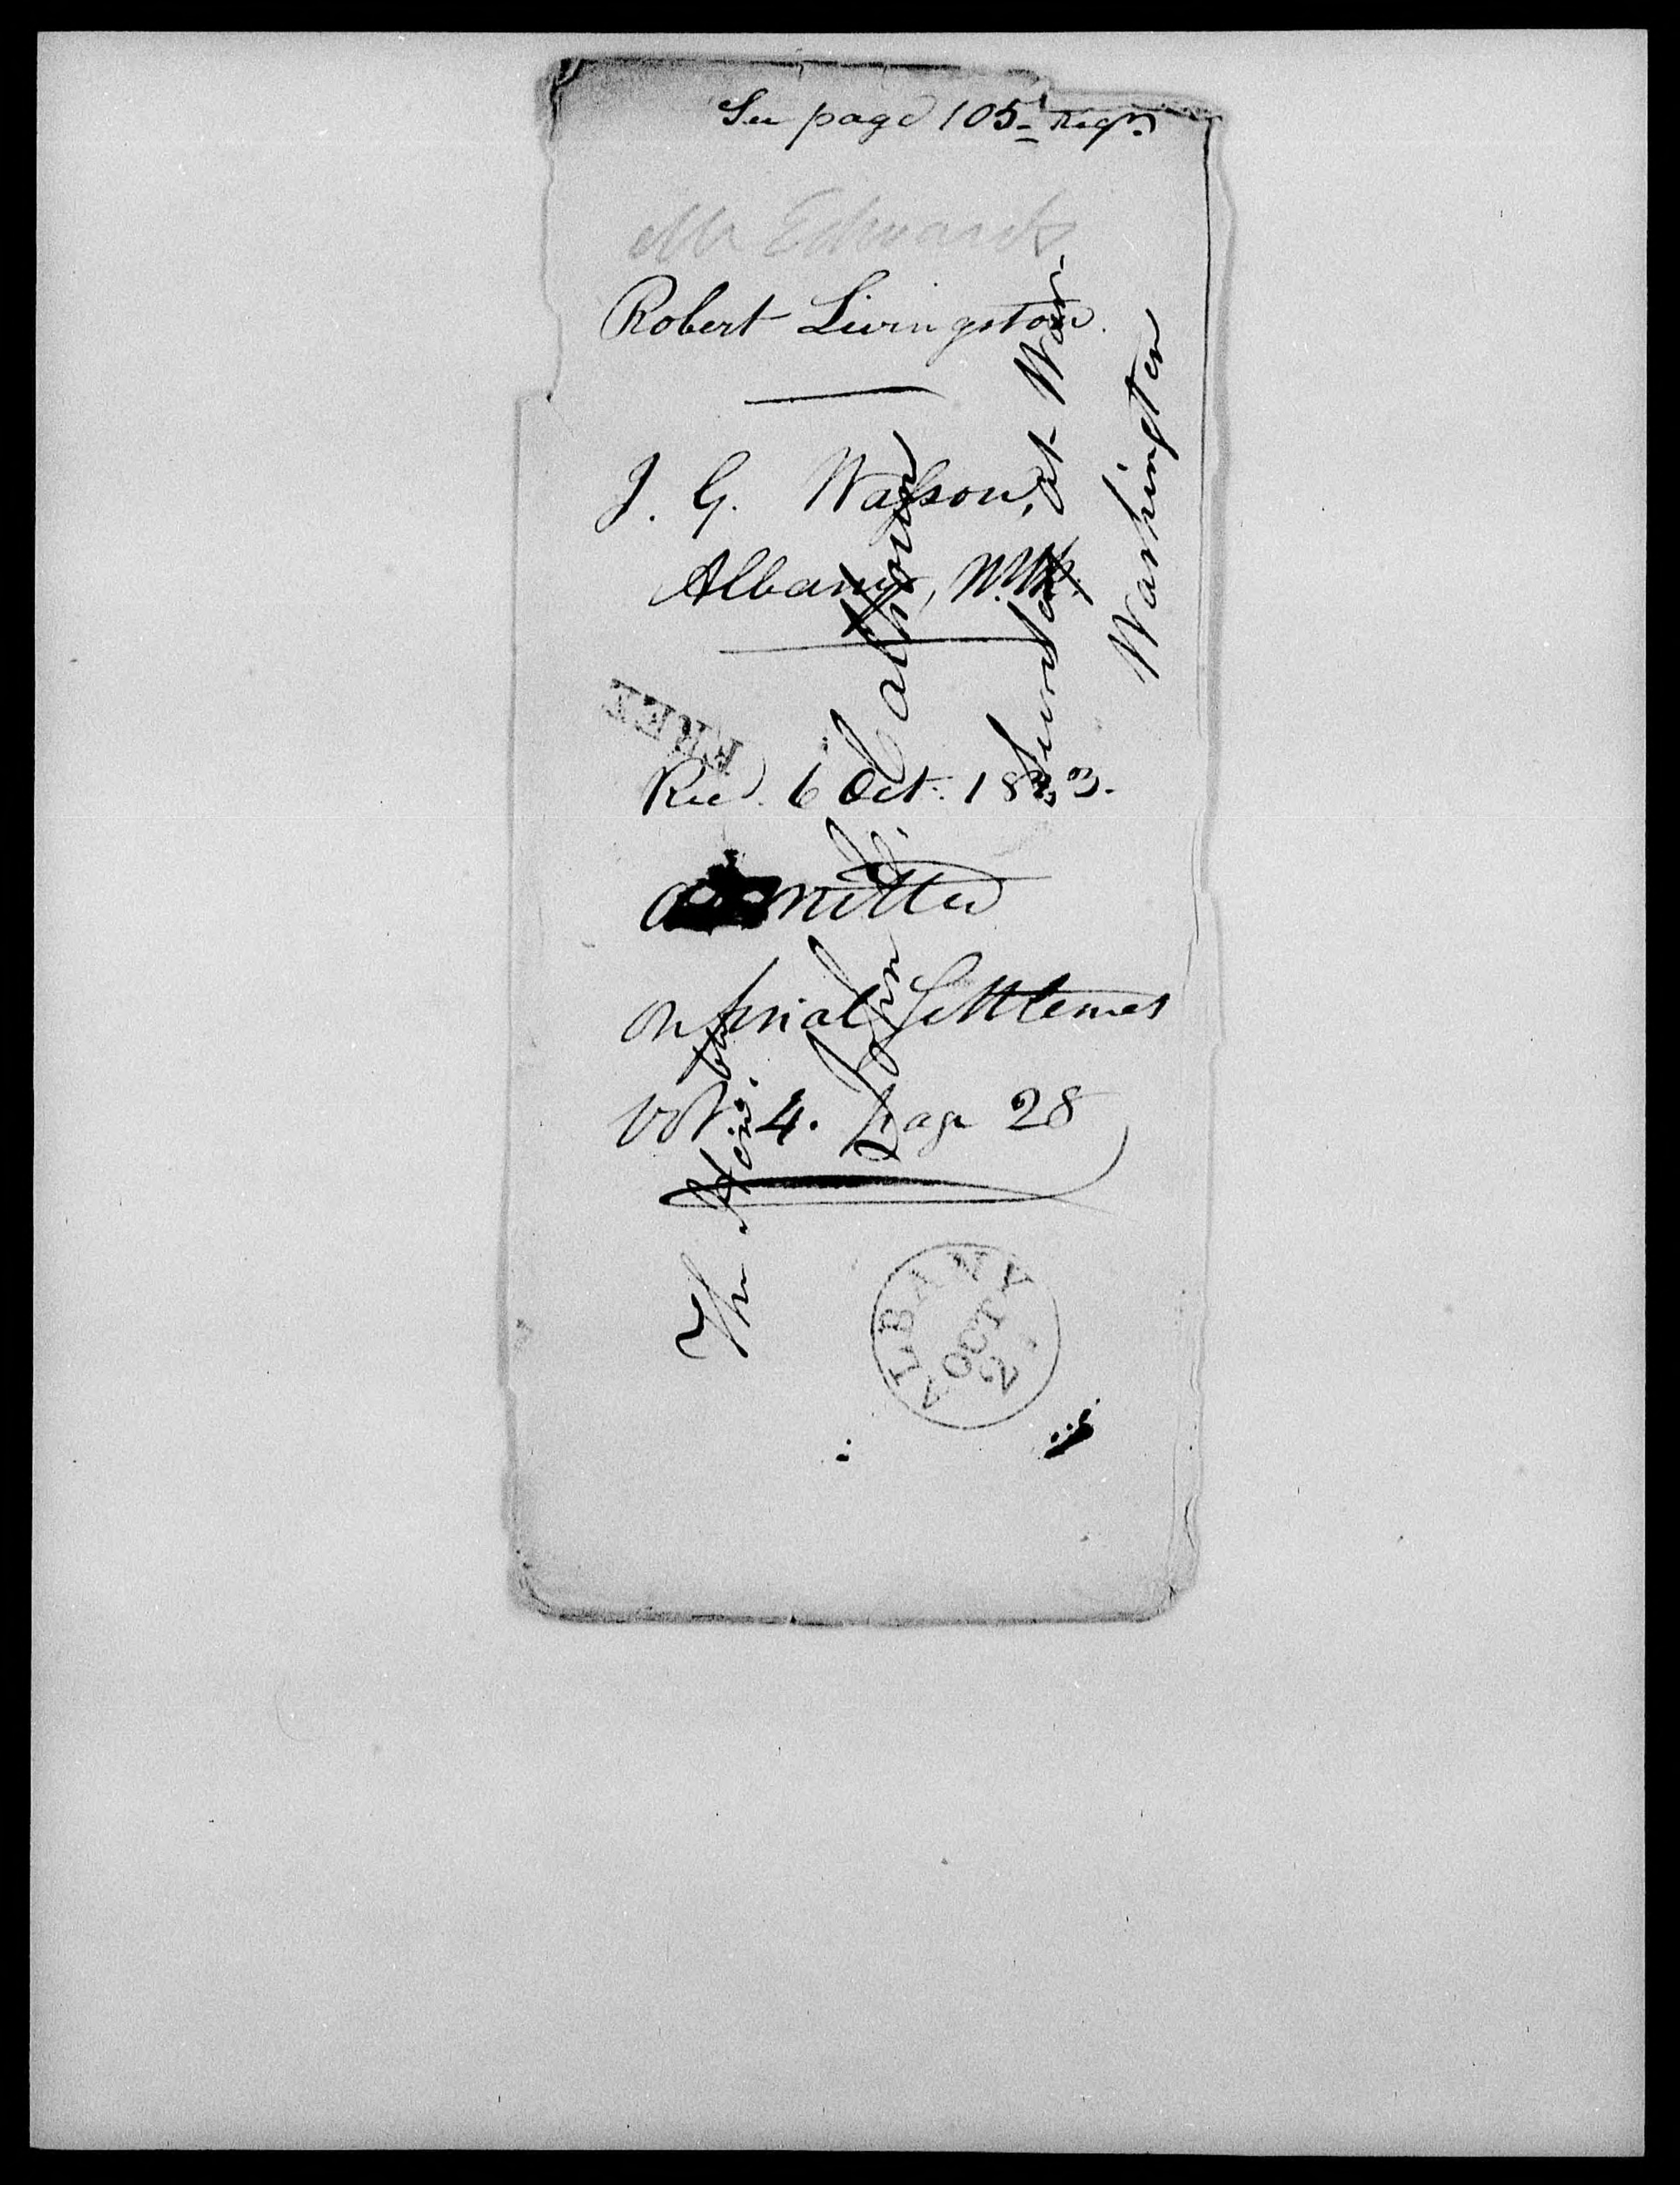See page 105 regr

Mr. Edwards
Robert Livingston

J.G. Wasson
Albany NY

Rec 6 Oct 1823

Admitted 
on final settlement
Vol 4 Page 28

ALBANY STAMP Oct 23

FREE

The Hon John C Calhoun
Secretary of War
Washington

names: J G Wasson; John C Calhoun; Robert Livingston; [BLANK] Edwards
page: 9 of 23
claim: survivor's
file: S 42874, for Robert Livingston, Maryland